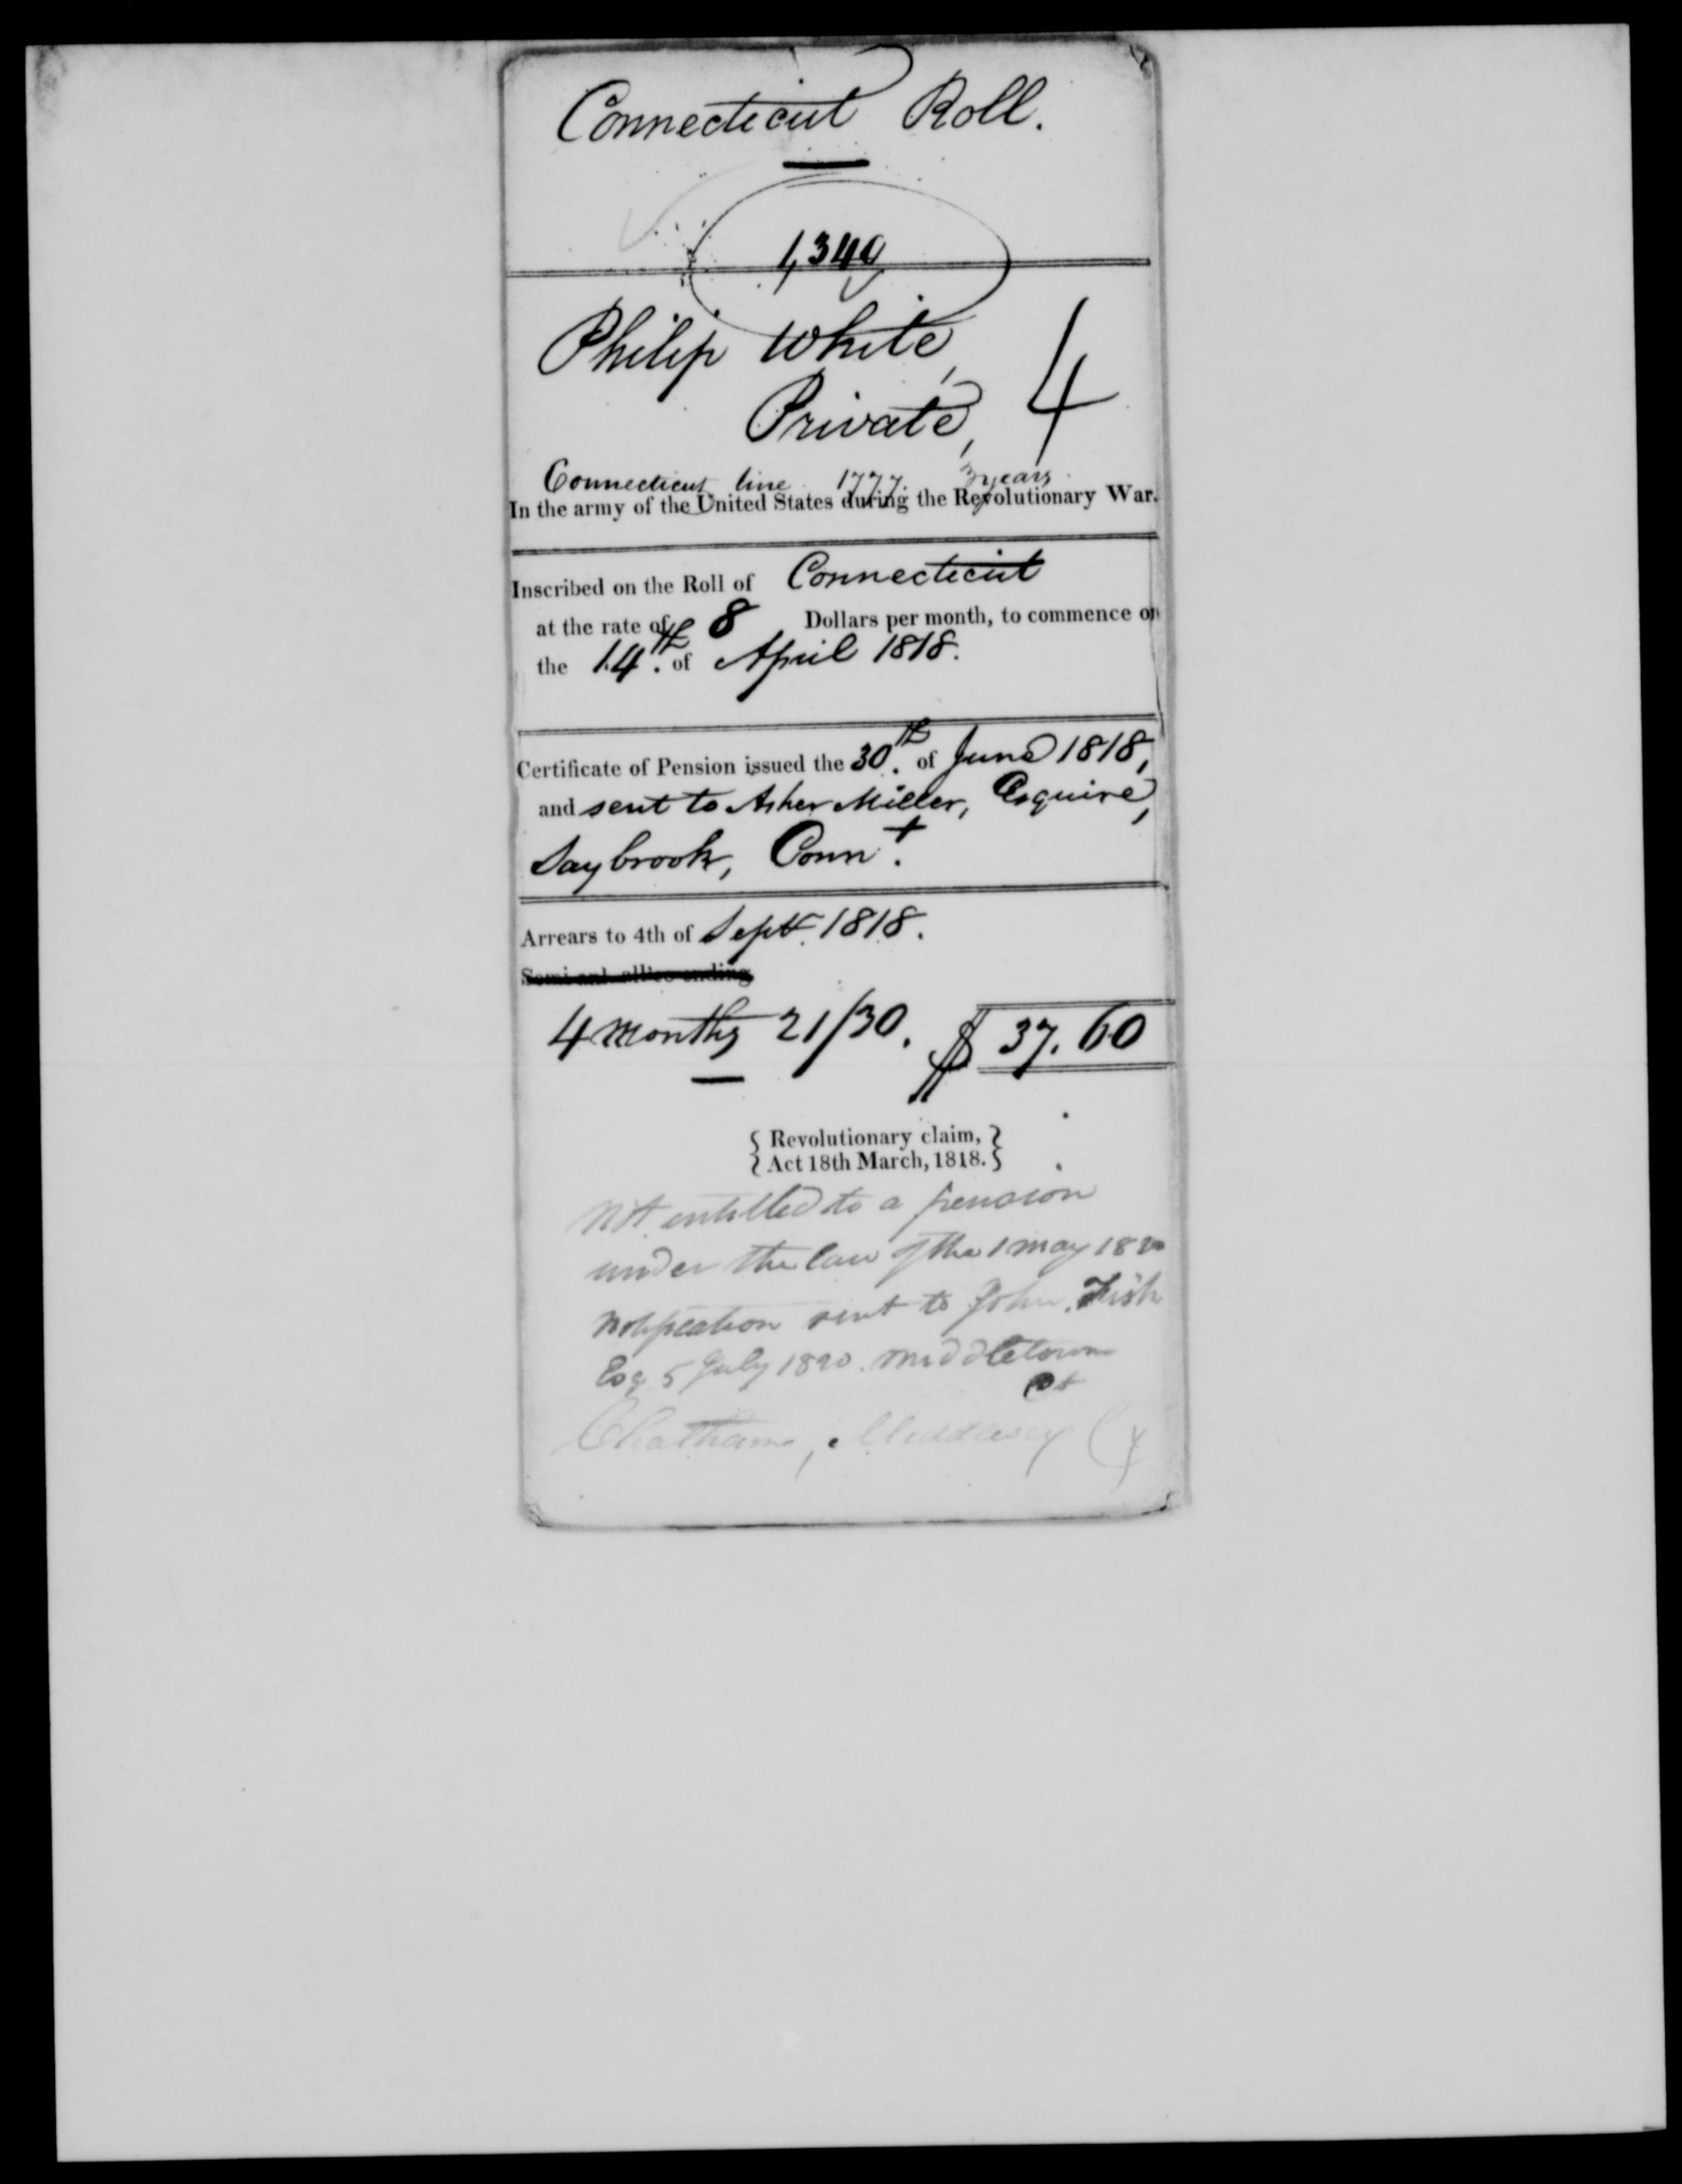Connecticut Roll.

1,340

Philip White
Private 4
Connecticut line 1777. 3 years
States in the Revolutionary War
In the army of the United States during the Revolutionary War.

Inscribed on the Roll of Connecticut
at the rate of 8 Dollars per month, to commence on
the 14th of April 1818.

Certificate of Pension issued the 30th of June 1818,
and sent to Asher Miller, Esquire,
Saybrook, Connt

Arrears to 4th of Sept. 1818.
[This line, crossed out:] Semi-anl. allwce ending
4 months 21/30----$37.60
$27.60

{Revolutionary claim,
Act 18th March, 1818.}

Not entitled to a pension
under the law of the 1 May 1820
Notification sent to John Fish
Esq 5 July 1820. Middletown
at
Chatham, Middlesex Cy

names: Philip White, John Fisk, Asher Miller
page: 2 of 50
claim: widow's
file: W. 25,969, Philip White, Conn.